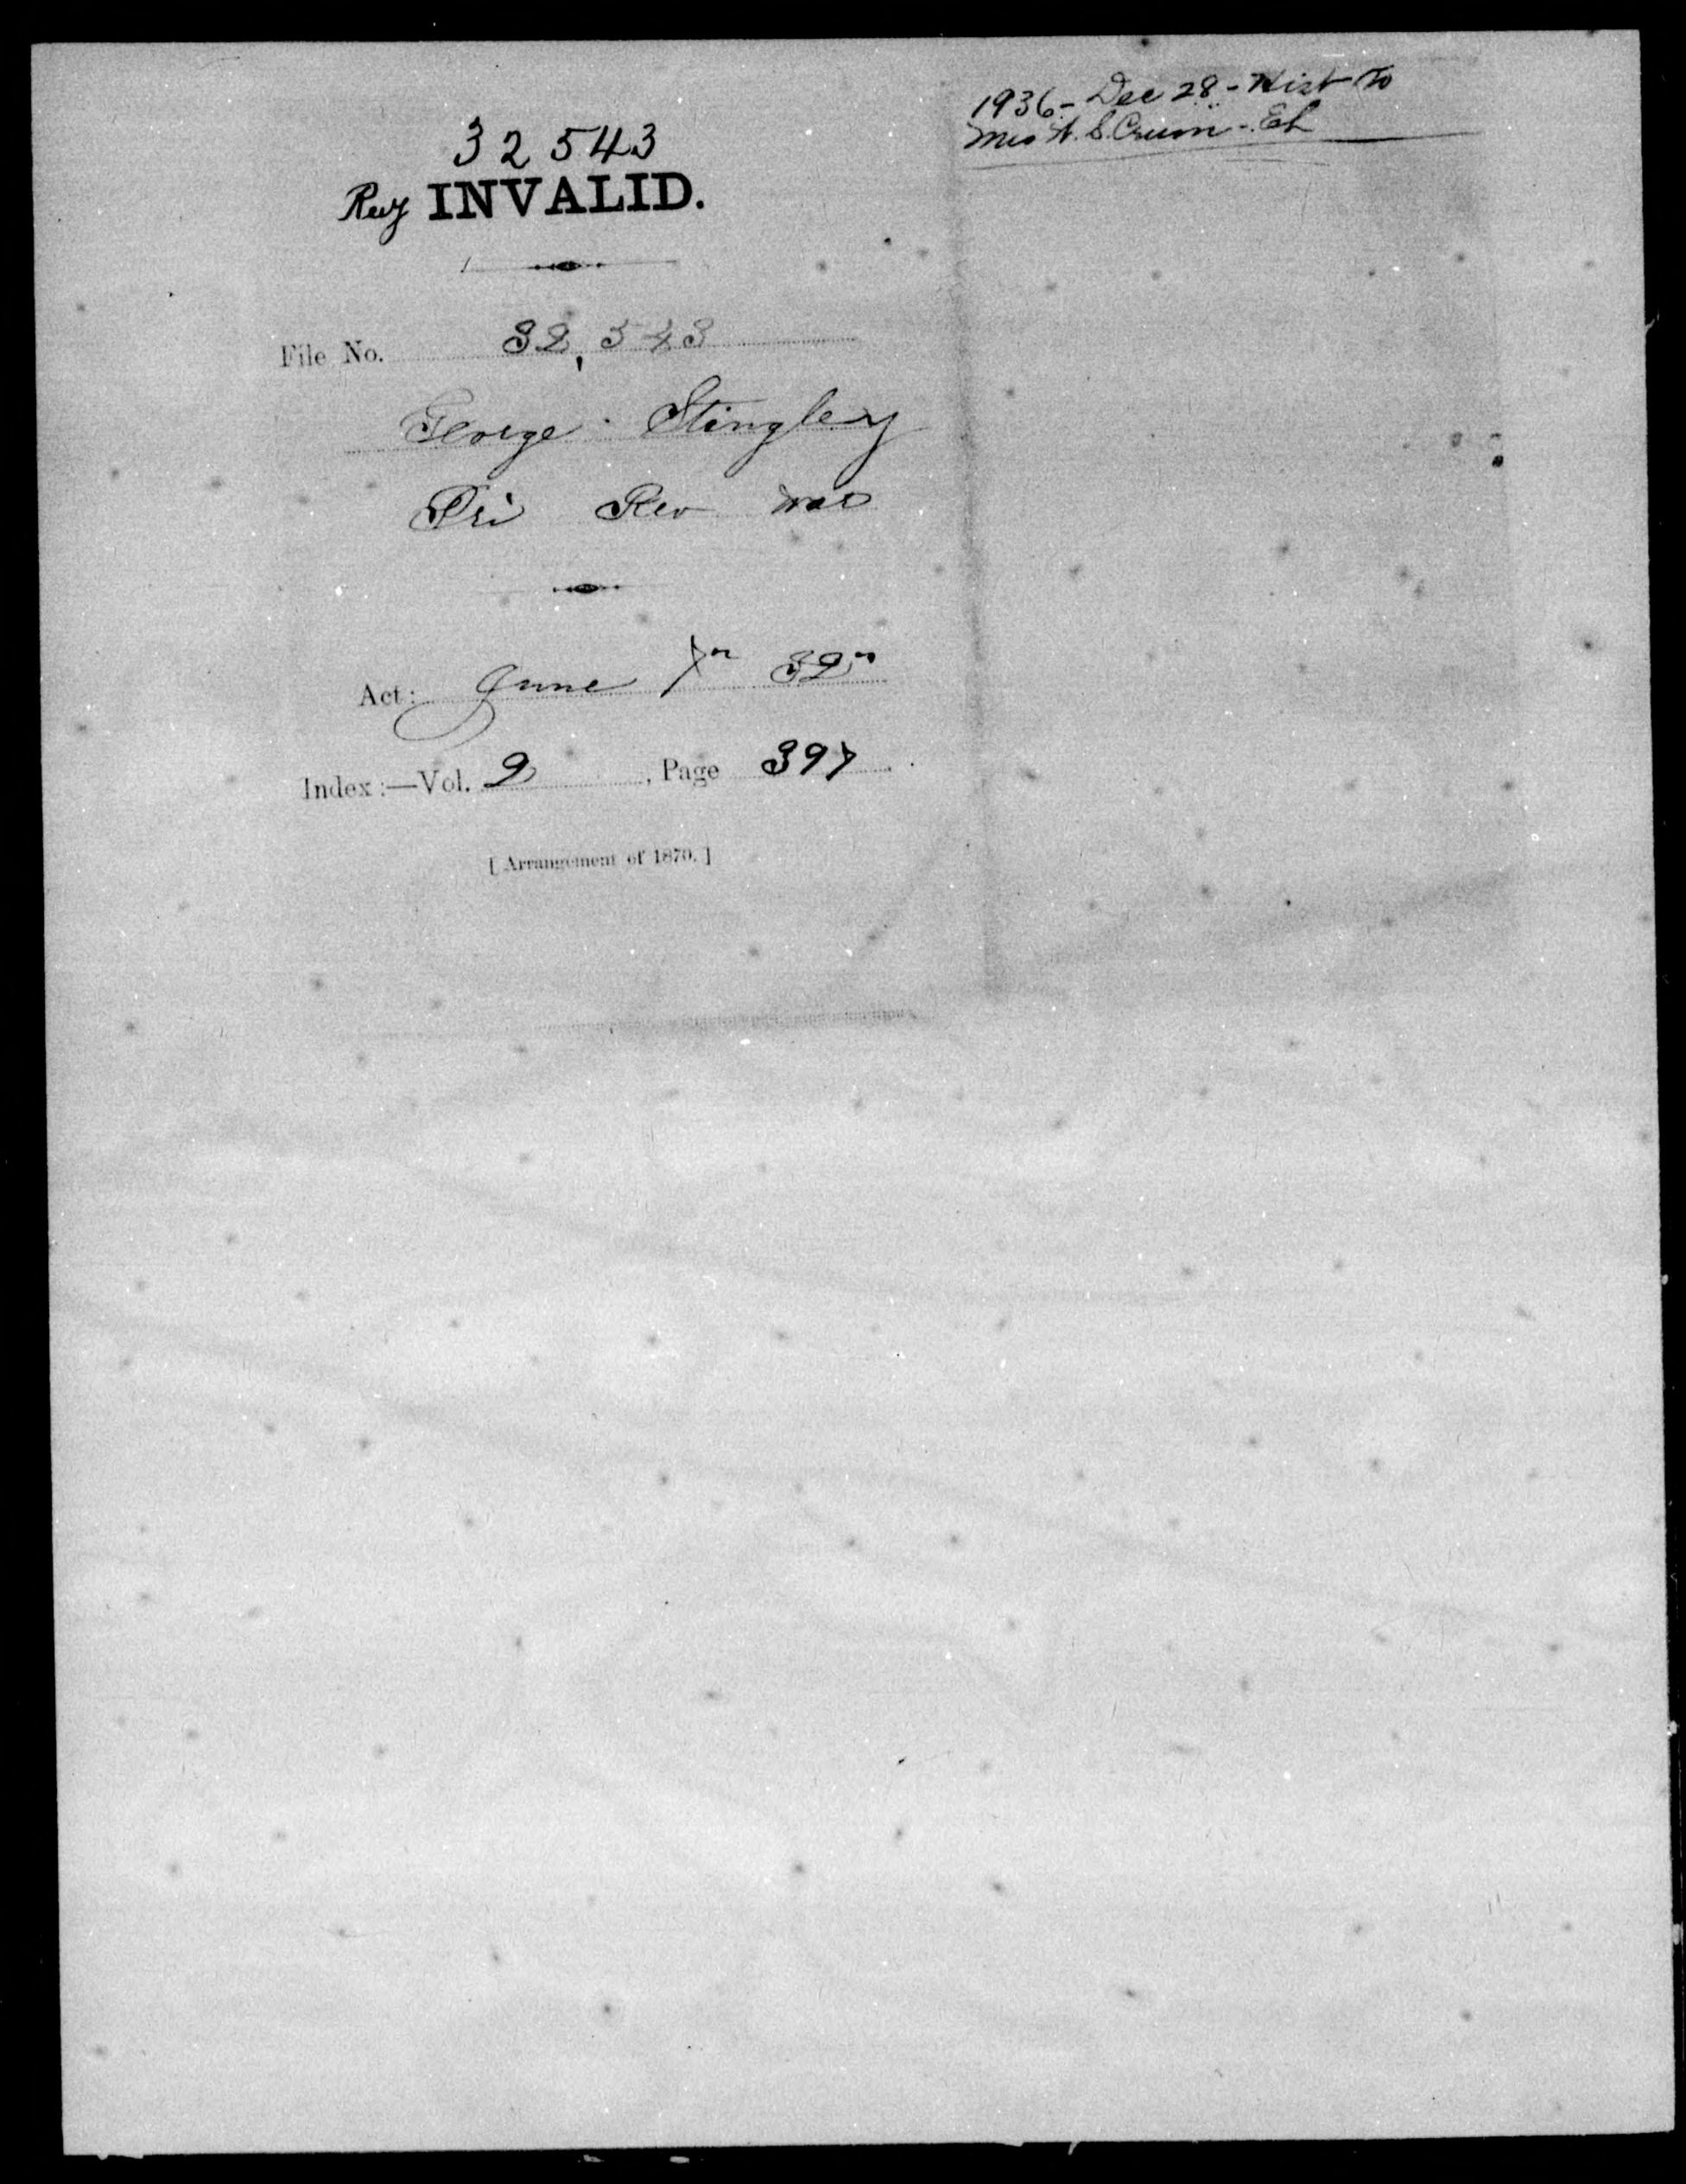32543
Revy INVALID.

File No. S2,543
George Stingley
Pri Rev War

Act: June 7th [illegible]
Index: - Vol. 2, Page 397

[Arrangement of 1870.]

[following on right side of page:]

1936 - Dec 28 - Hist to
Mrs A. S. Crum -. EL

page: 9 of 12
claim: survivor's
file: S. 32543, for George Stingley, Virginia